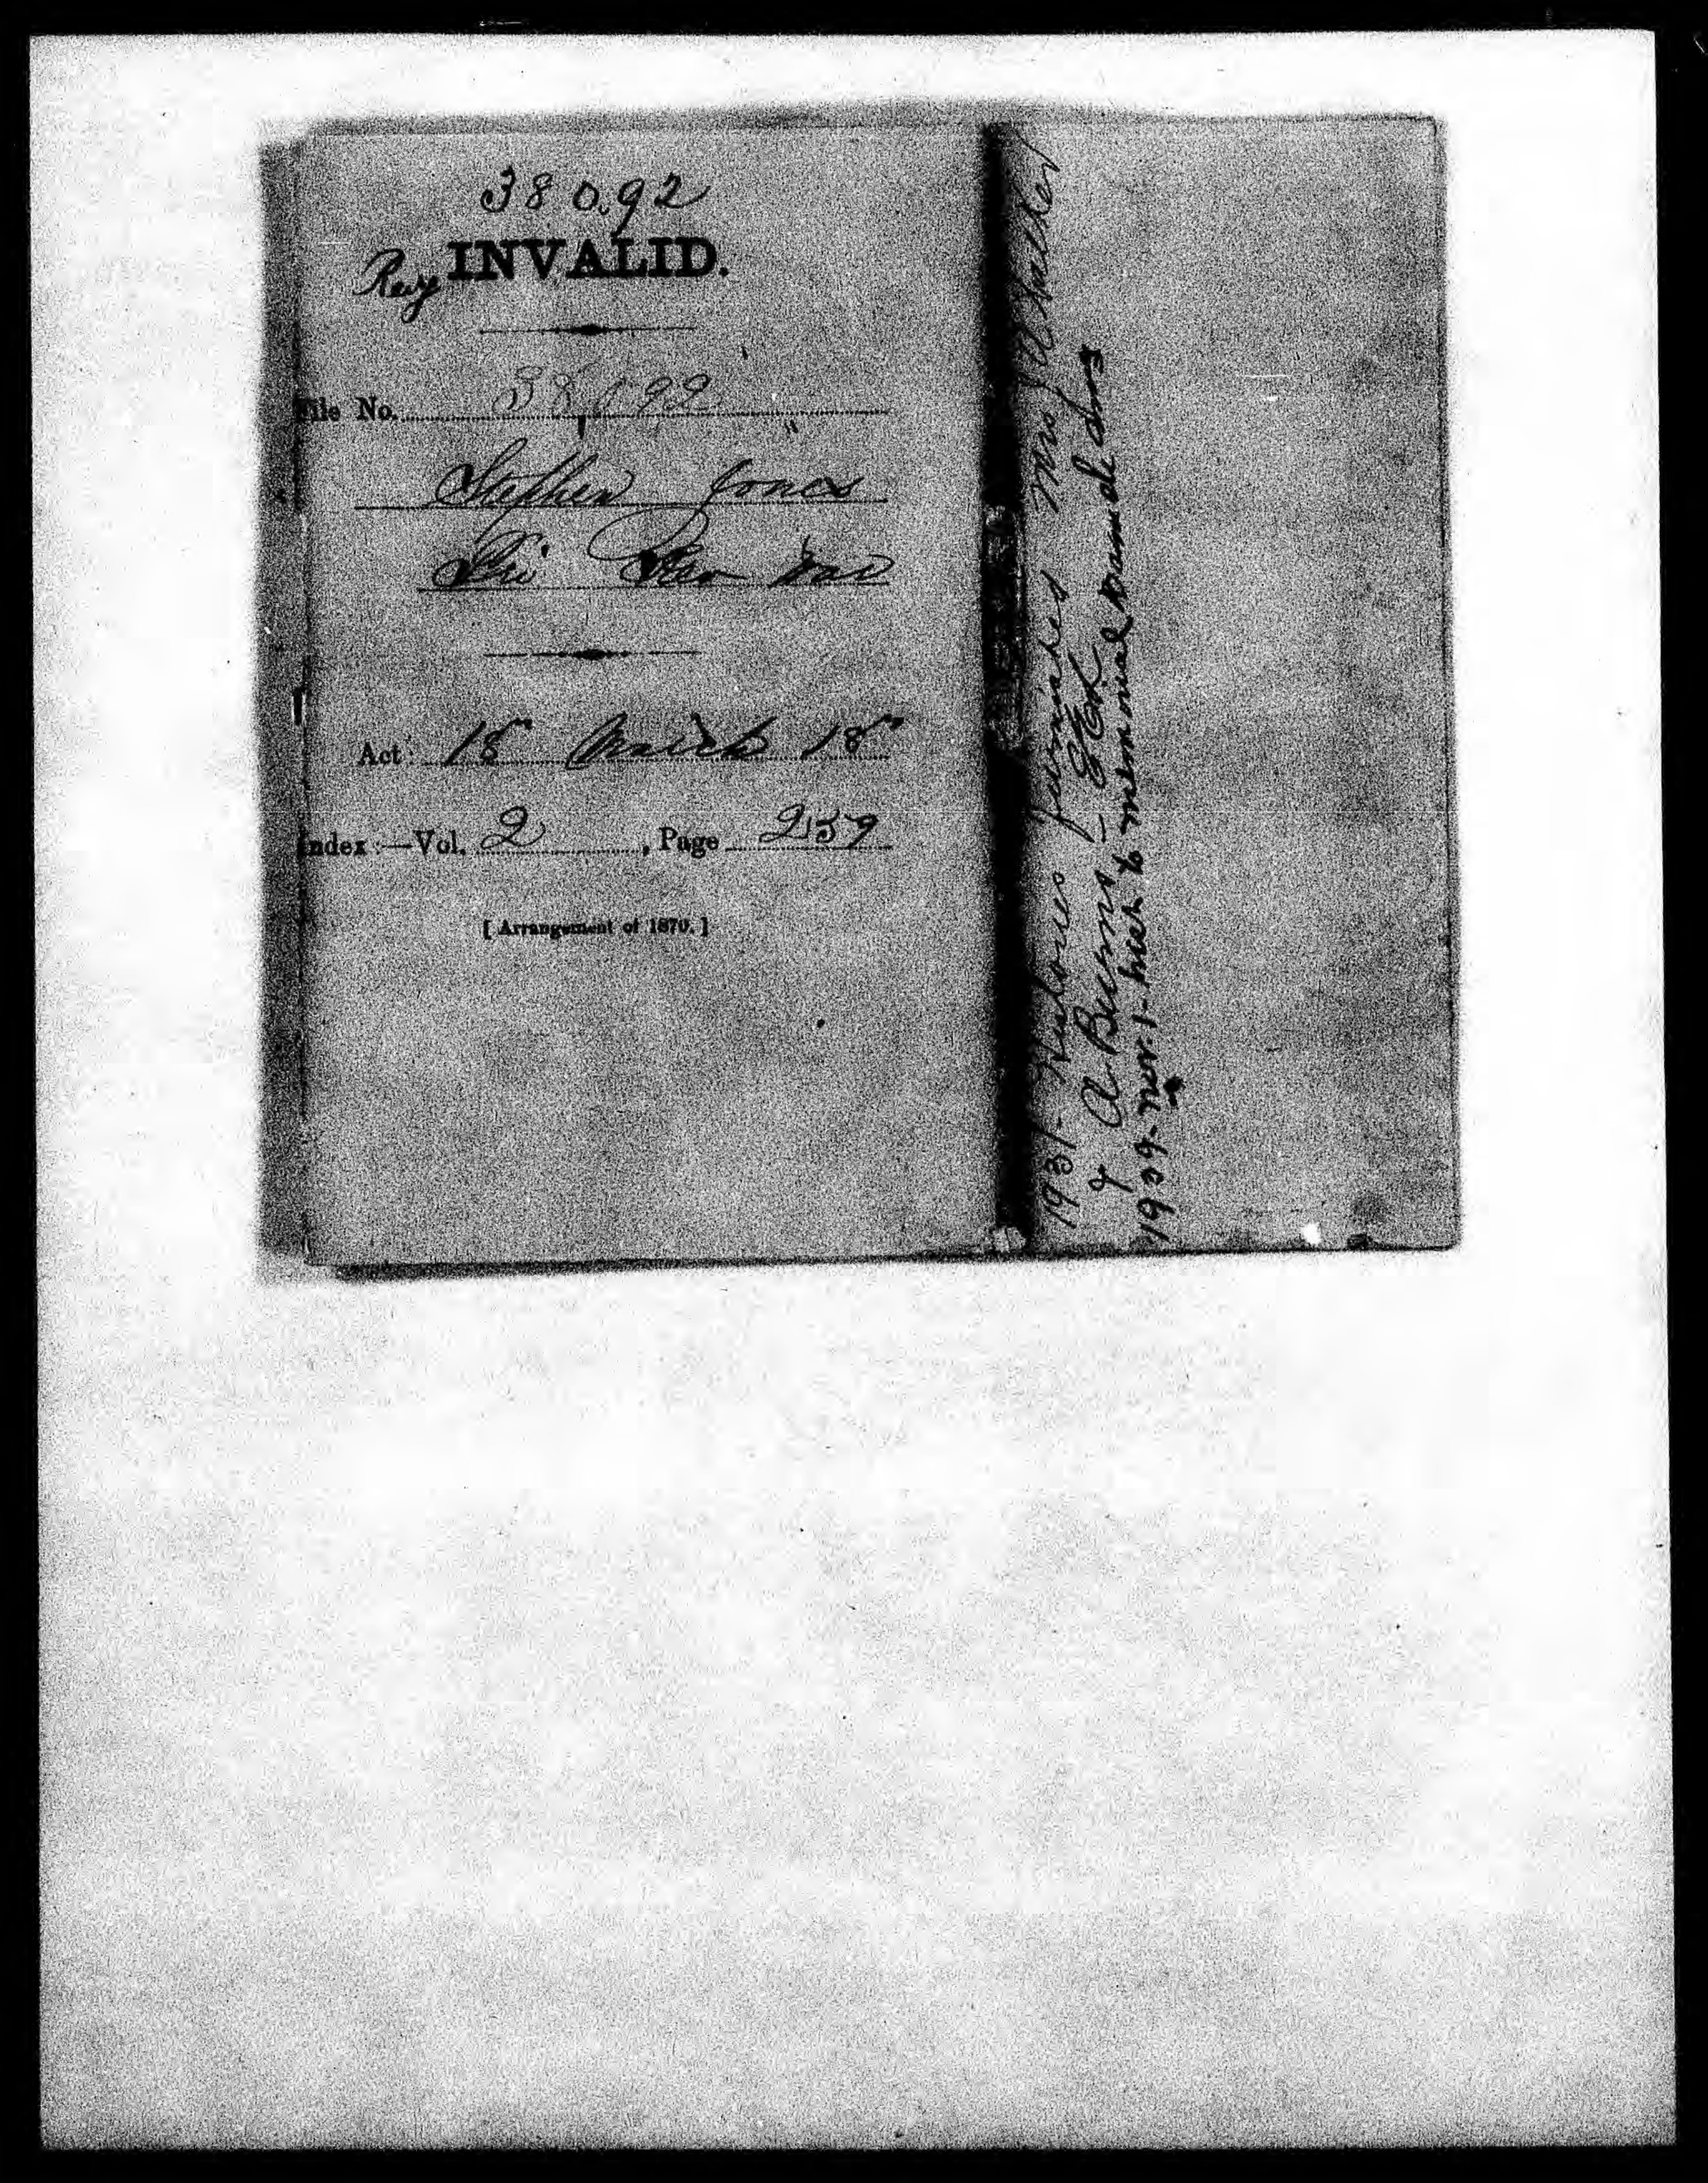38092
Revy. INVALID.
------------
File No. 38092
Stephen Jones
Pri Rev War
------------
Act 18 March 18
Index: - Vol. 2, Page 259
[Arrangement of 1870.]


[notes written vertically on the right side of the page]
1931 Histories furnished Mrs. J. A. Walker & A Burns - EEL.
1939 Nov. 1 - hist to Memorial Branch AB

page: 10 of 17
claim: survivor's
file: S. 38092, for Stephen Jones, North Carolina